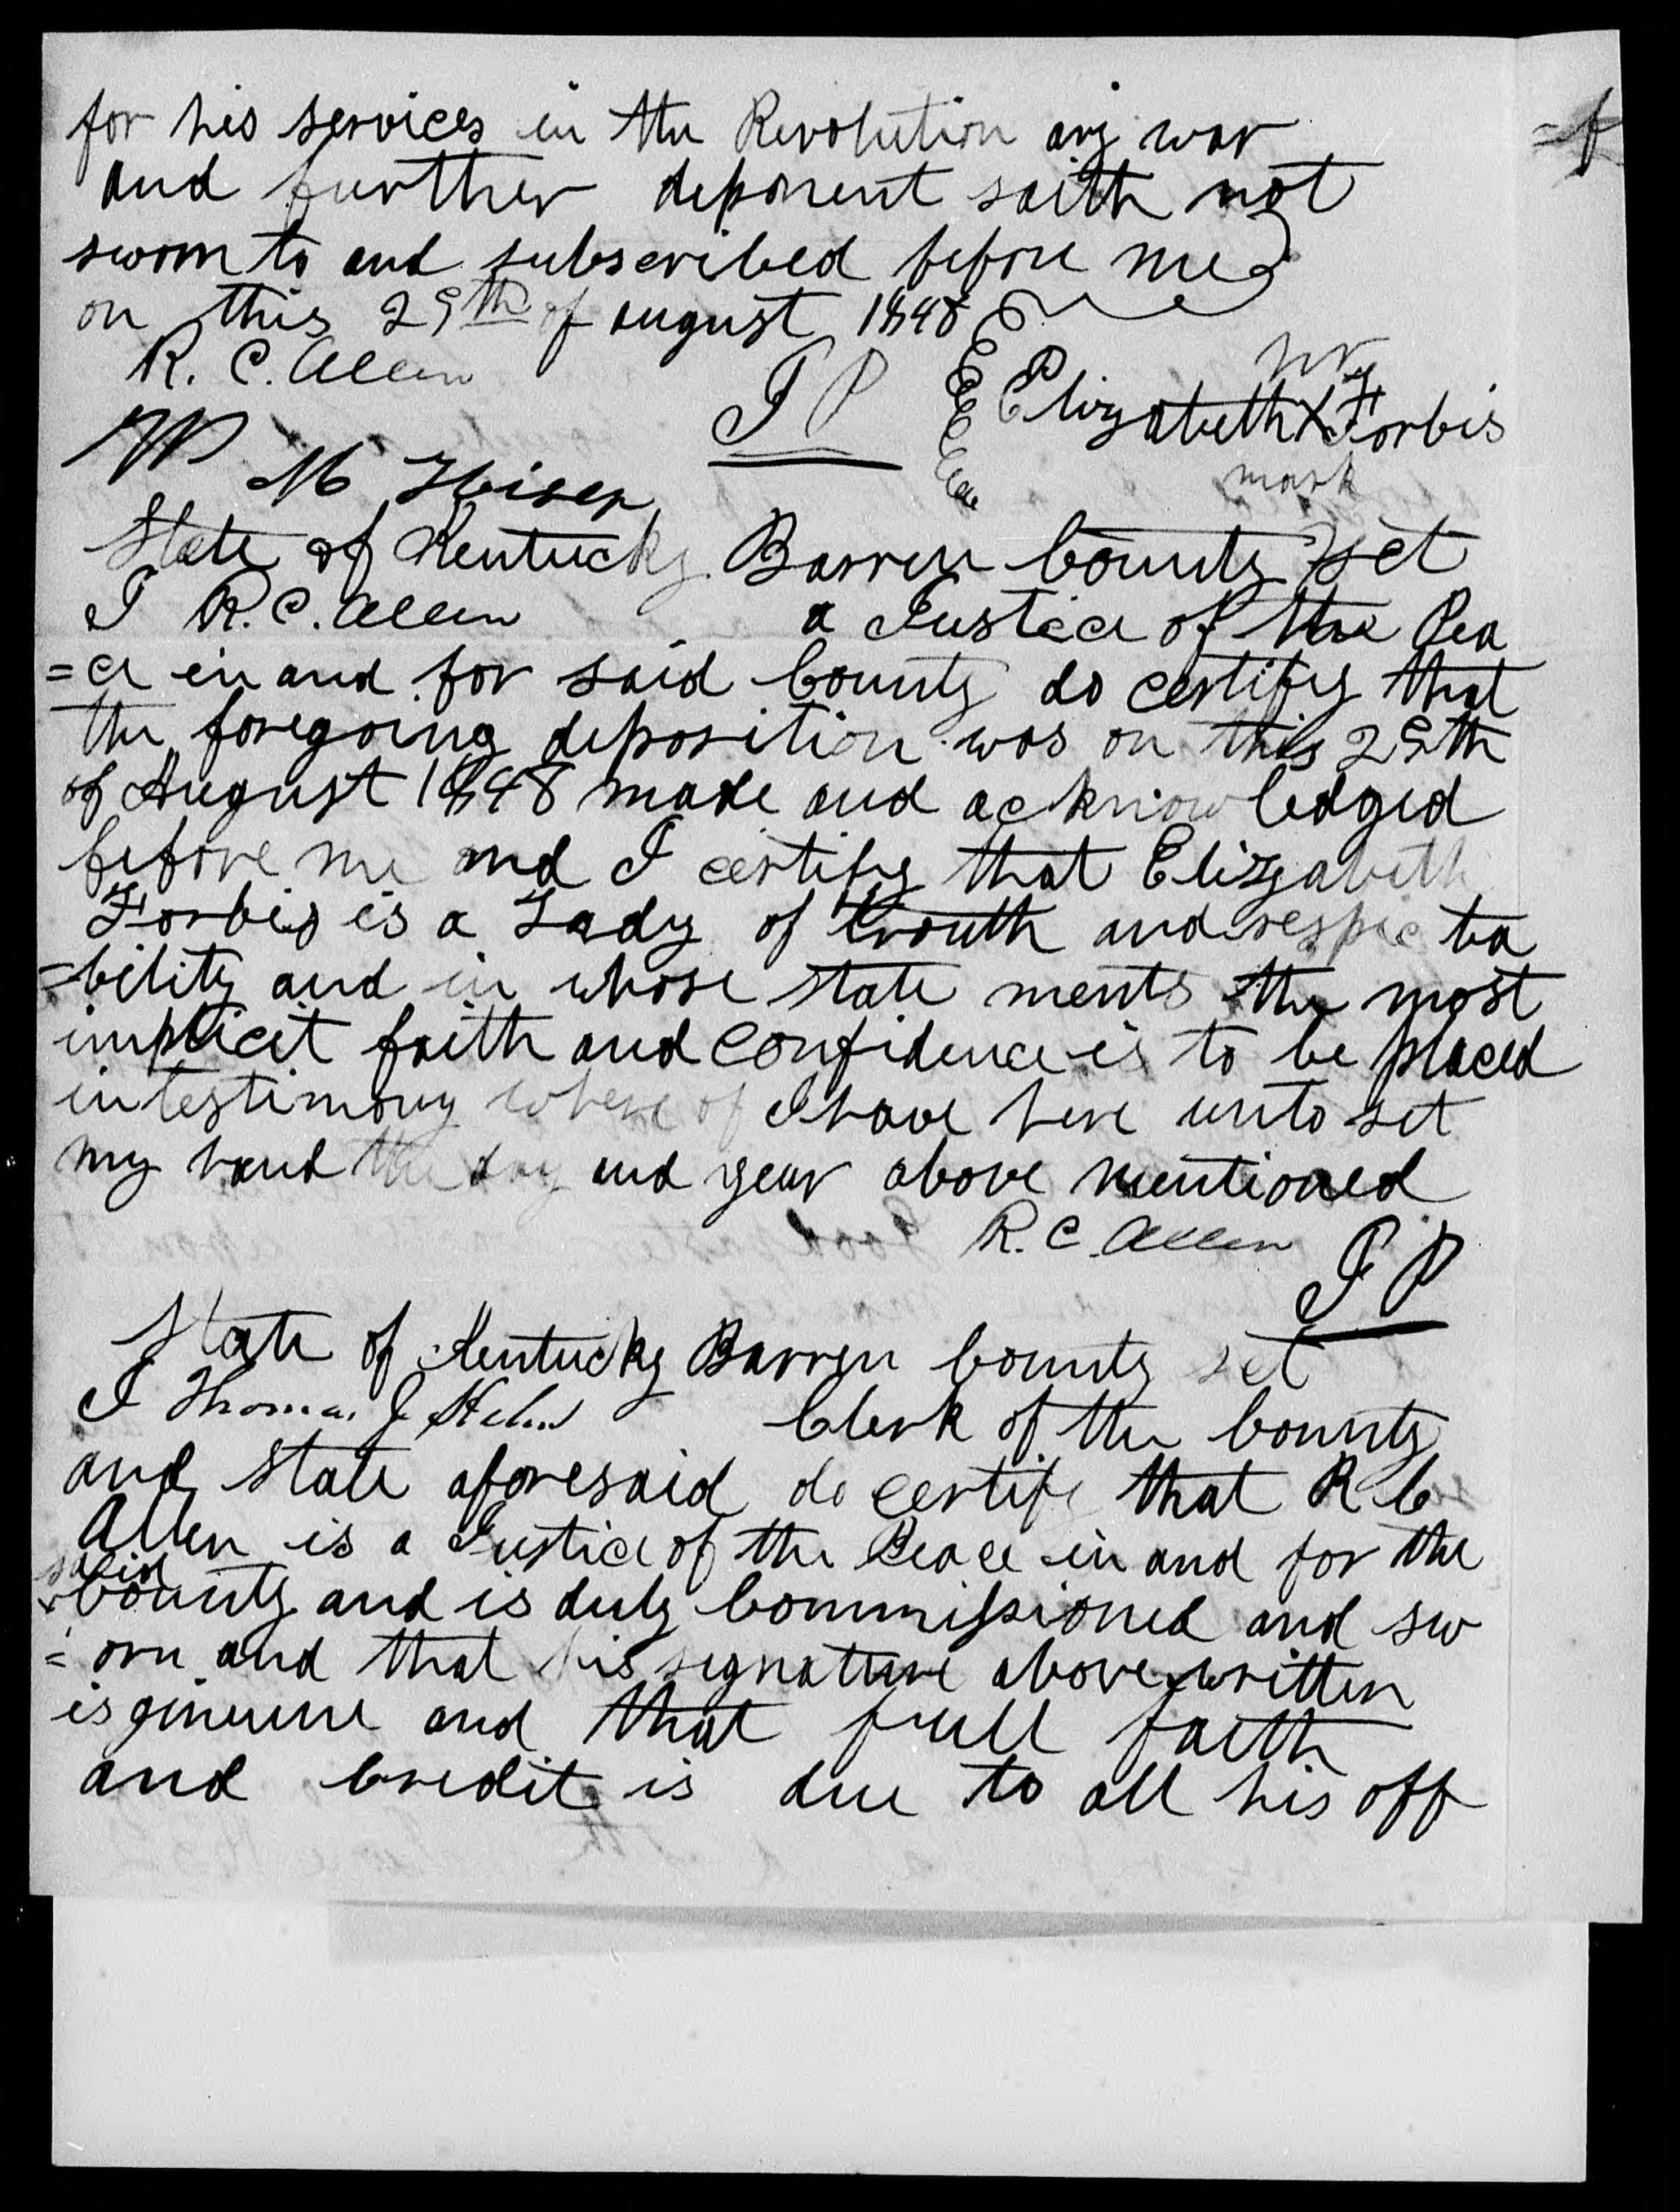for his services in the Revolutionary war and further deponent saith not
Elizabeth Forbis
her     X     mark
sworn to and subscribed before me on this 29th of August 1848
R. C. Allen JP
W. M. Hiser

State of Kentucky Barren County} set
I R. C. Allen a Justice of the Peace in and for said County do certify that the forgoing deposition was on this 29th of August 1848 made and acknowledged before me and I certify that Elizabeth Forbis Is a Lady of truth and respectability and in whose statements the most implicit faith and confidence is to be placed in testimony where of I have here unto set my hand the day and year above mentioned.
R. C. Allen J.P.

State of Kentucky Barren County
I Thomas J. Helm Clerk of the County and State aforesaid do certify that R. C. Allen is a Justice of the Peace in and for the said County and is duly commissioned and sworn and that his signature above written is genuine and that full faith and credit is due to all his off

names: R C Allen, Elizabeth Forbis, R C Allen, R C Allen, Thomas J Helm, W M Hiser, R C Allen, Elizabeth Forbis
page: 32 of 58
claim: widow's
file: W. 8932, John Hiser, Penn.